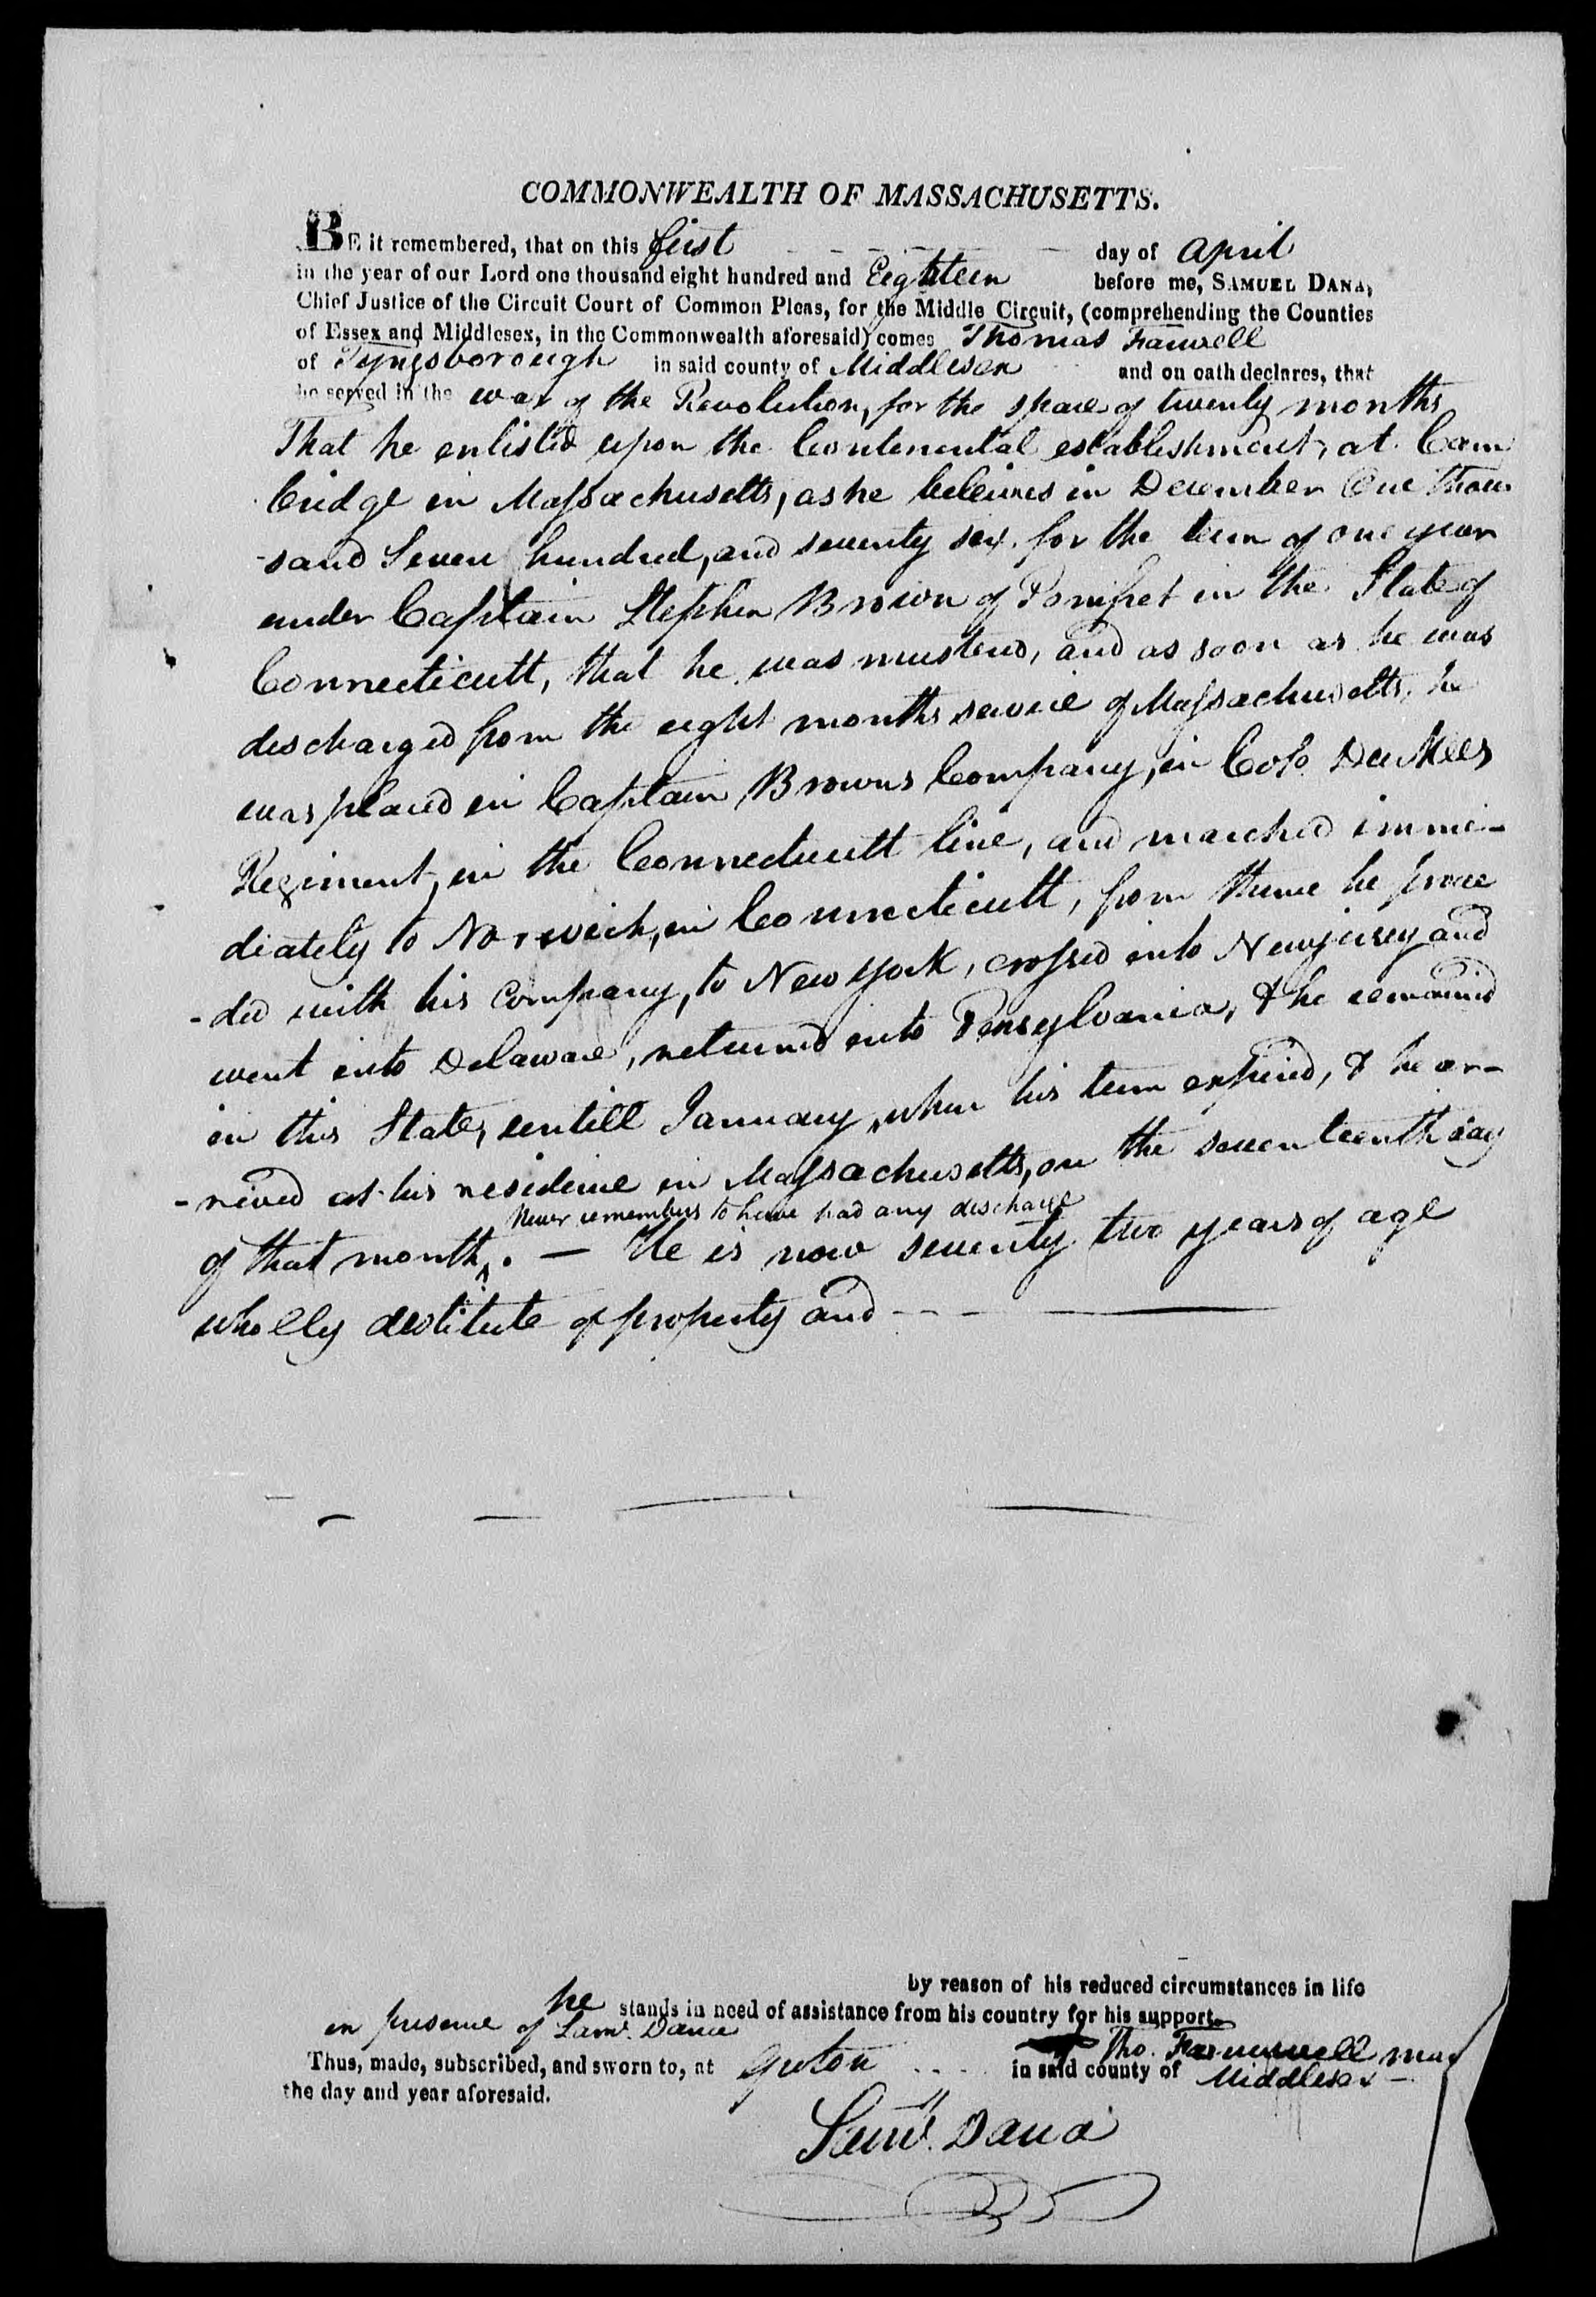COMMONWEALTH OF MASSACHUSETTS
Be it remembered, that on the first day of April in the year of our Lord one thousand eight hundred and eighteen before me, Samuel Dana Chief Justice of the Circuit Court of Common pleas, for the Middle Circuit, (comprehending counties of Essex and Middlesex, in the commonwealth aforesaid) come Thomas Farwell of Jonesborough in said county of Middlesex and on oath declares that he served in the war of the Revolution for the share of twenty months.  That he enlisted upon the Constitutional establishment at [illegible] bridge in Massachusetts, as he believes in December one thousand seven hundred, and seventy six, for the term of our year under Captain Stephen Brown of Pornipet in the State of Connecticutt, that he was mustered, and as soon as he was discharged from the eight months service of Massachusetts he was placed in Captain Browns Company, in Colo Durkees Regiment in the Connecticutt line, and marched immediately to Norwich, in Connecticutt, from [illegible] he [illegible] with his company, to New York, crossed into New Jersey and went into Delaware, returned into Pensylvania, the [illegible] in this State, untill January, where his term expird, he arrived at his residence in Massachusetts, on the seventeenth day of that month. 
Mear rememburs to have had any discharge
He is now seventy two years of age wholly destitute of property and

by reason of his reduced circumstances in life he stands in need of assistance from his country for his support on [illegible] of Saml Dana, Tho. Farwell [illegible]
Thus, made, subscribed, and sworn to, nt quton in said county of Middlesex the day and year aforesaid.
Saml Dana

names: Stephen Brown, Saml Dana, Saml Dana, Thomas Farwell, Tho Farwell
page: 4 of 18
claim: survivor's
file: S. 34,831, Thomas Farwell, Conn.